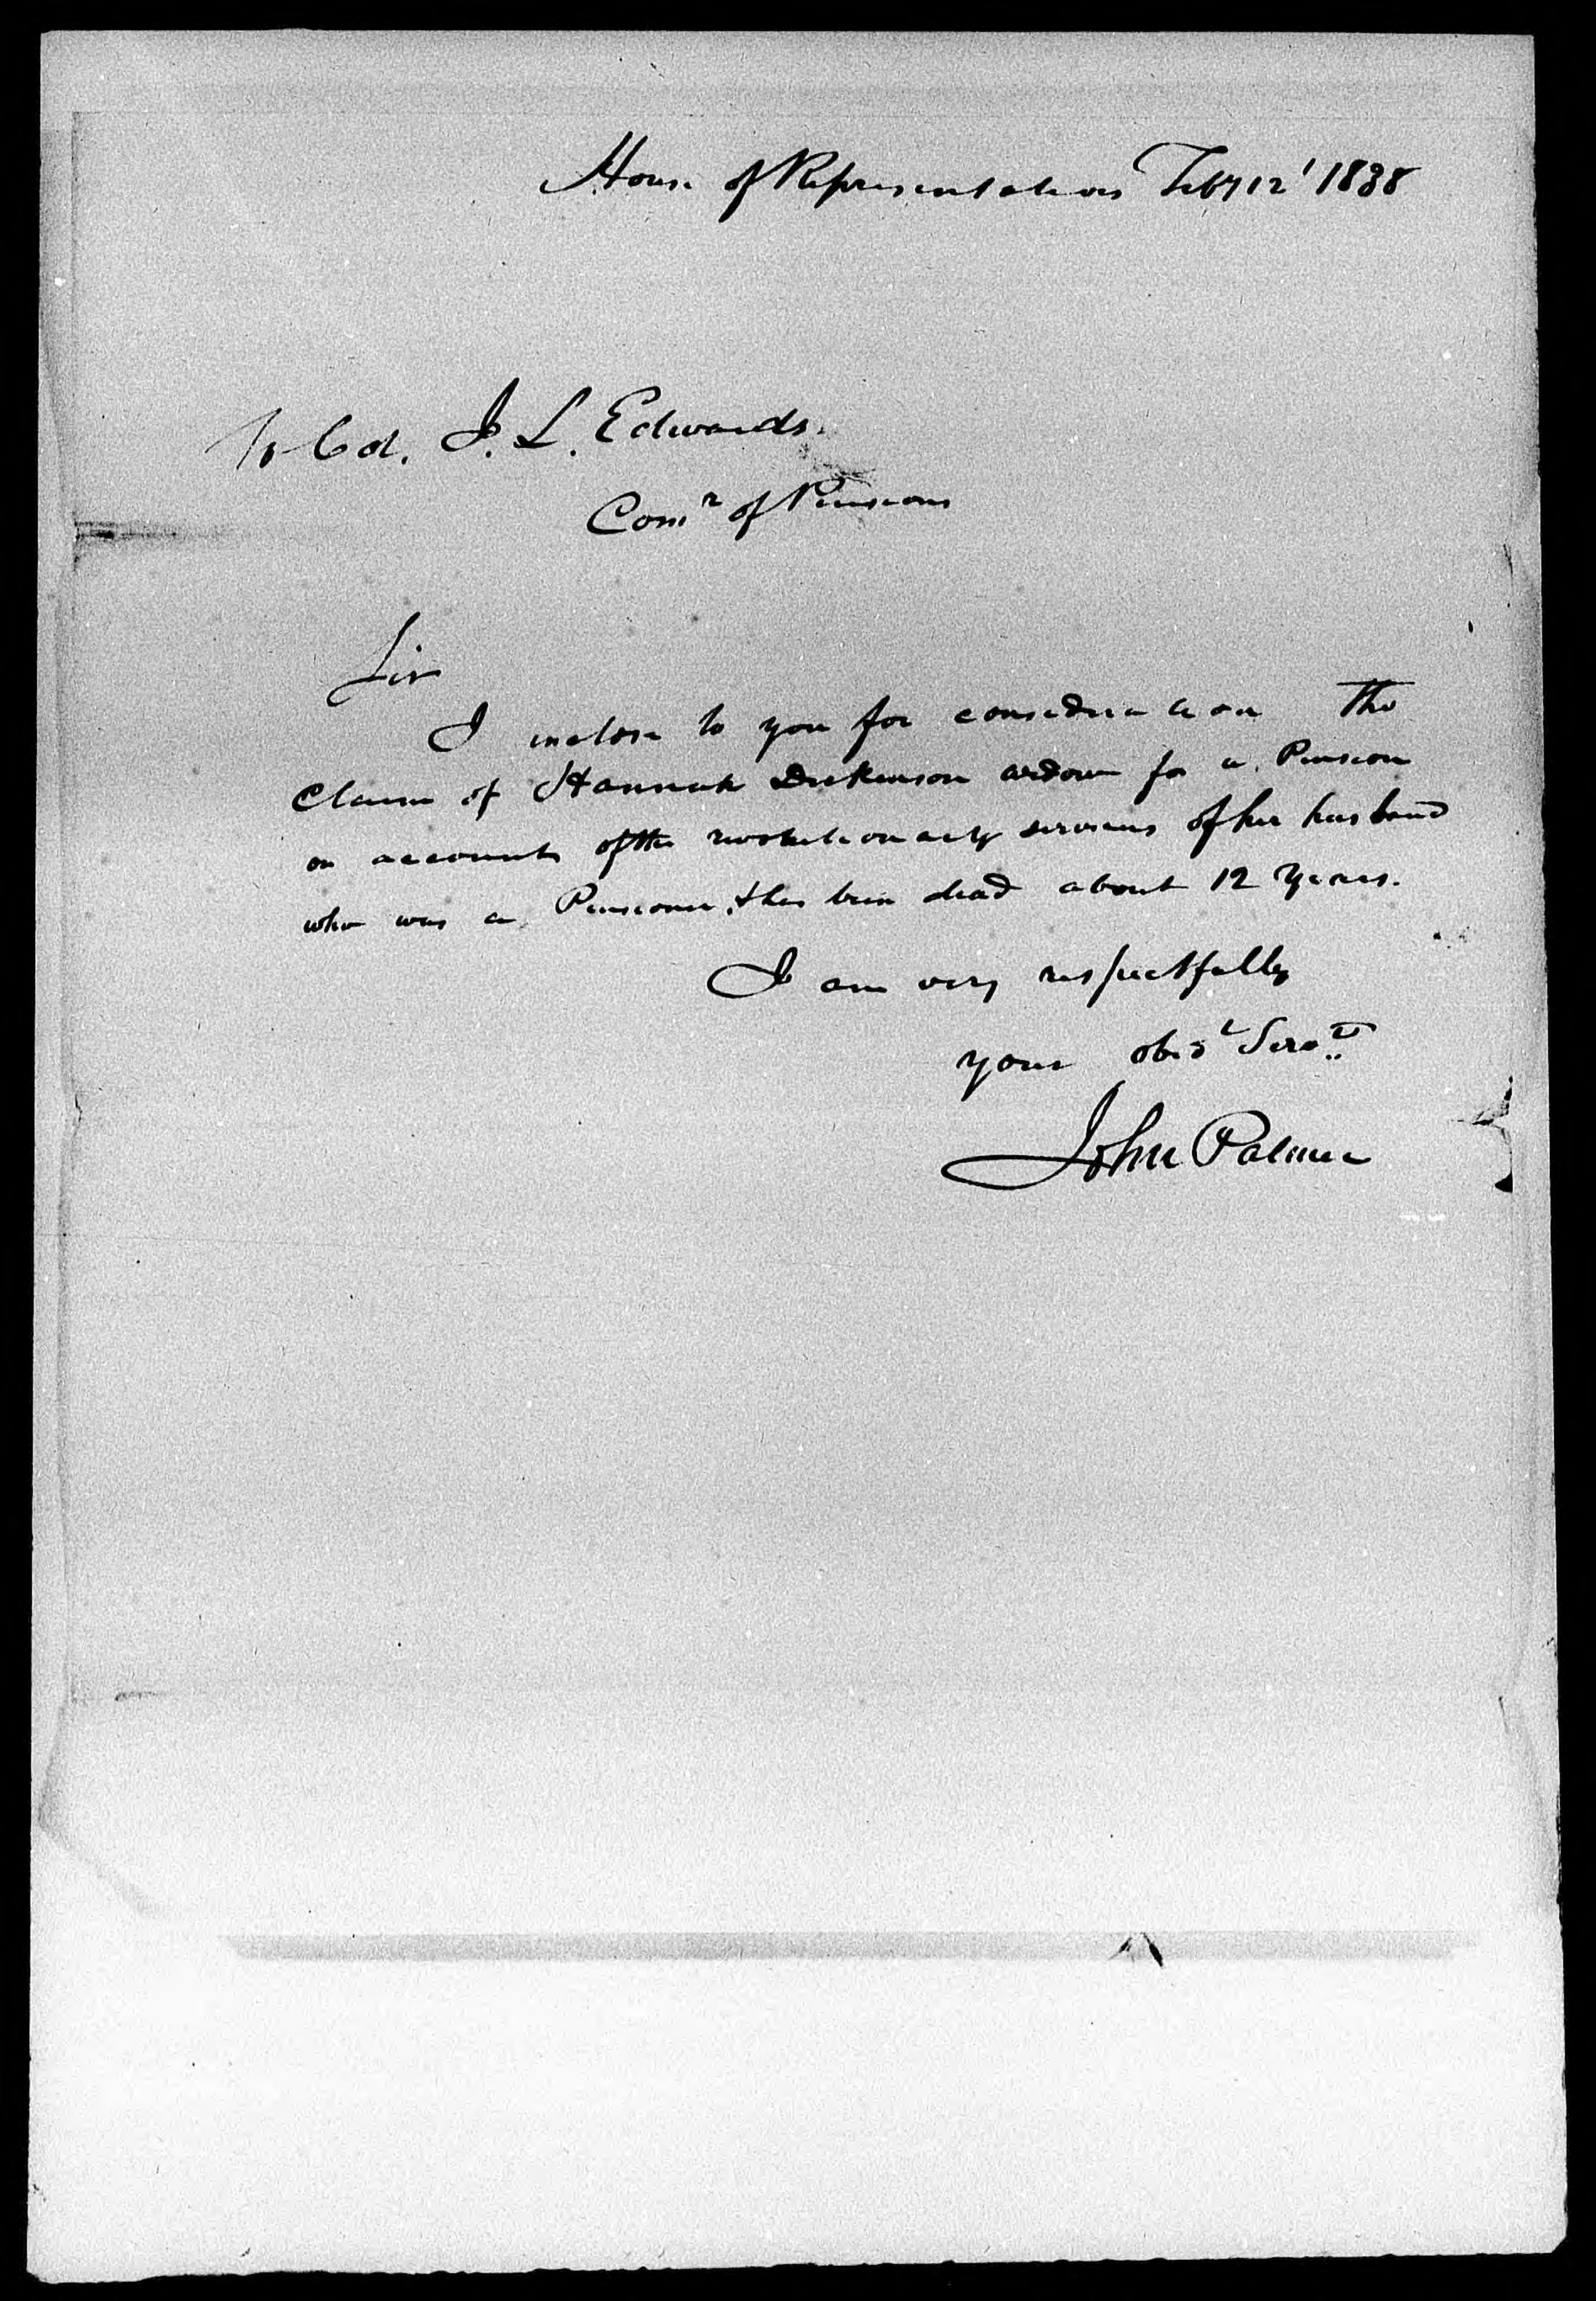House of Representatives  Feby 12 1838

To Col. J. L. Edwards
Comr of Pensions

Sir
I enclose to you for consideration the
claim of Hannah Dickinson widow for a Pension
on account of the revolutionary services of her husband
who was a Pensioner. He's been dead about 12 years.
I am very respectfully
your obed Servt [obedient servant]
John Palmer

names: John Palmer, Hannah Dickinson, J L Edwards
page: 34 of 60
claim: widow's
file: W 16,955, Samuel Dickinson, Conn.